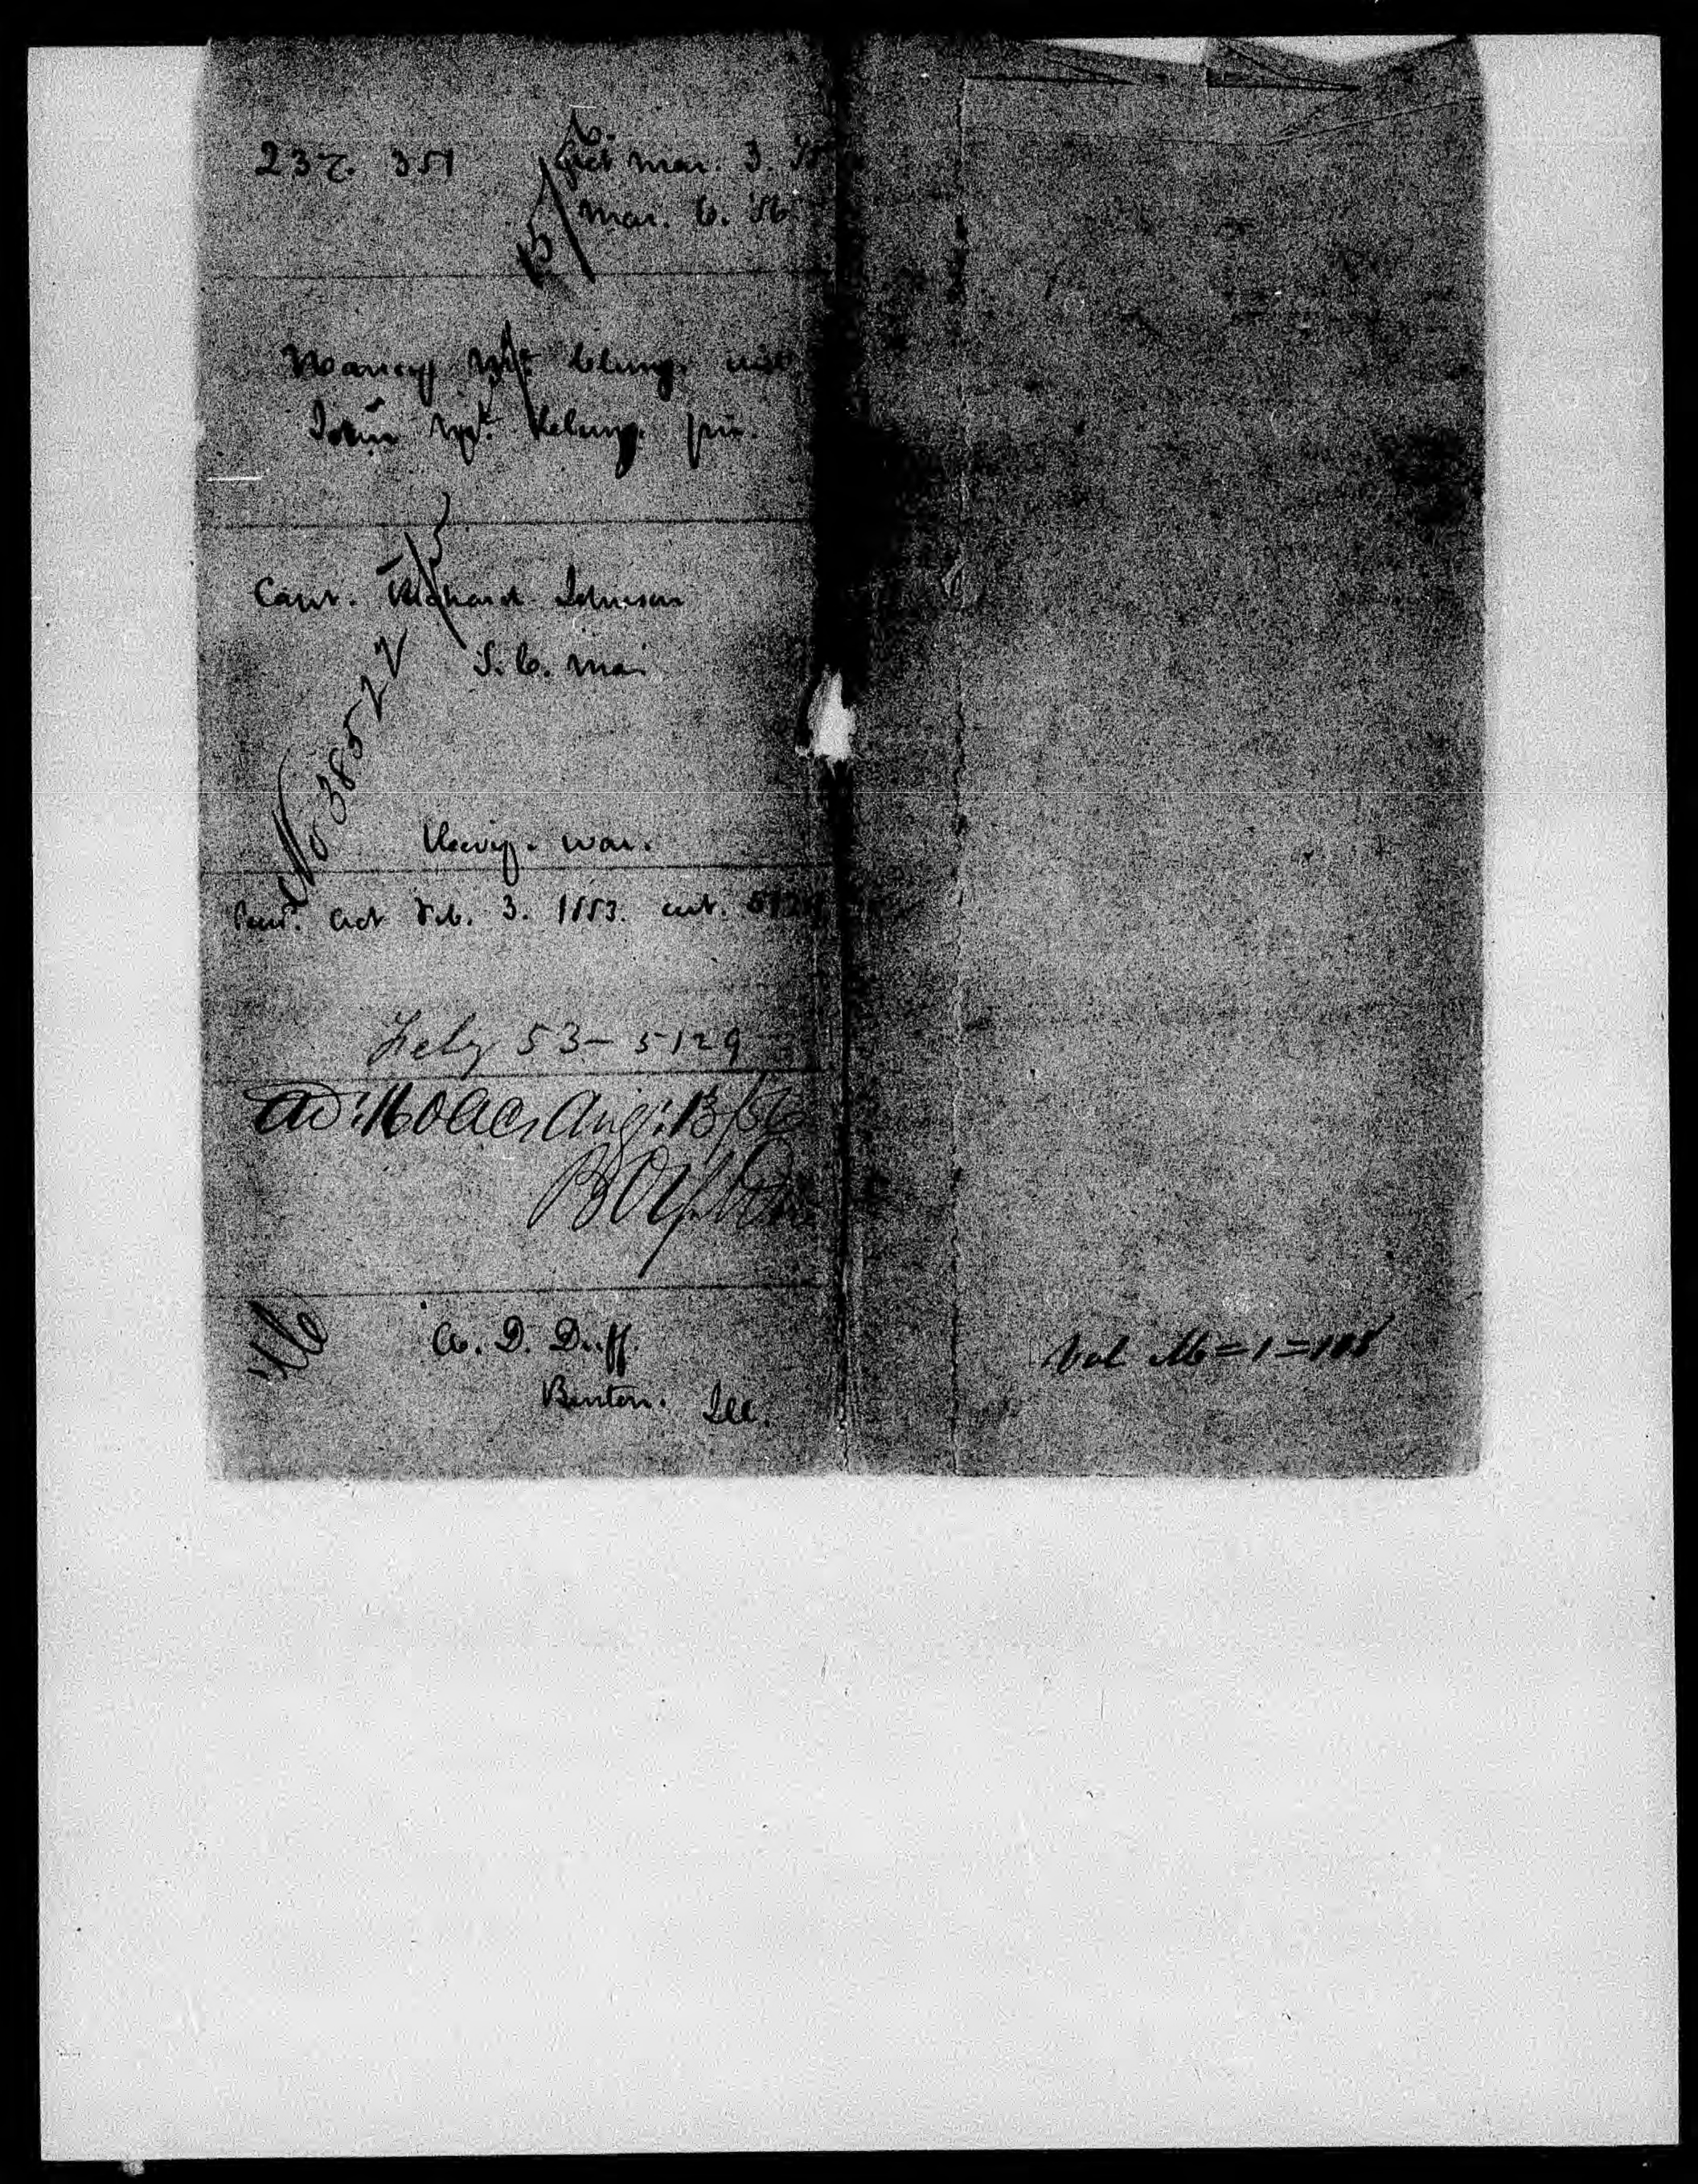[Two panels]
[Left panel]

237 351 Act Mar 3 '56
Mar 6. '56
___
Nancy McClung wid
John McClung priv
___
Capt. Richard Johnson
S.C. Ma

Revy. War.
___
[Written vertically across image]

No. 38522 issued Aug 15/56
___
Pen. Act Feb. 3. 1853 cert. [illegible]
Feby 53 - 5129
___
Ad: 160 Act Aug. 13/56
Boynton
___
A. D. Duff
Benton, Ill.

[Right panel]

Vol M=1=108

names: [BLANK] Boynton; A D Duff; Nancy Mc Clung; John Mc Clung; Richard Johnson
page: 4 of 115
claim: widow's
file: W. 1446, for John Mc Clung, South Carolina